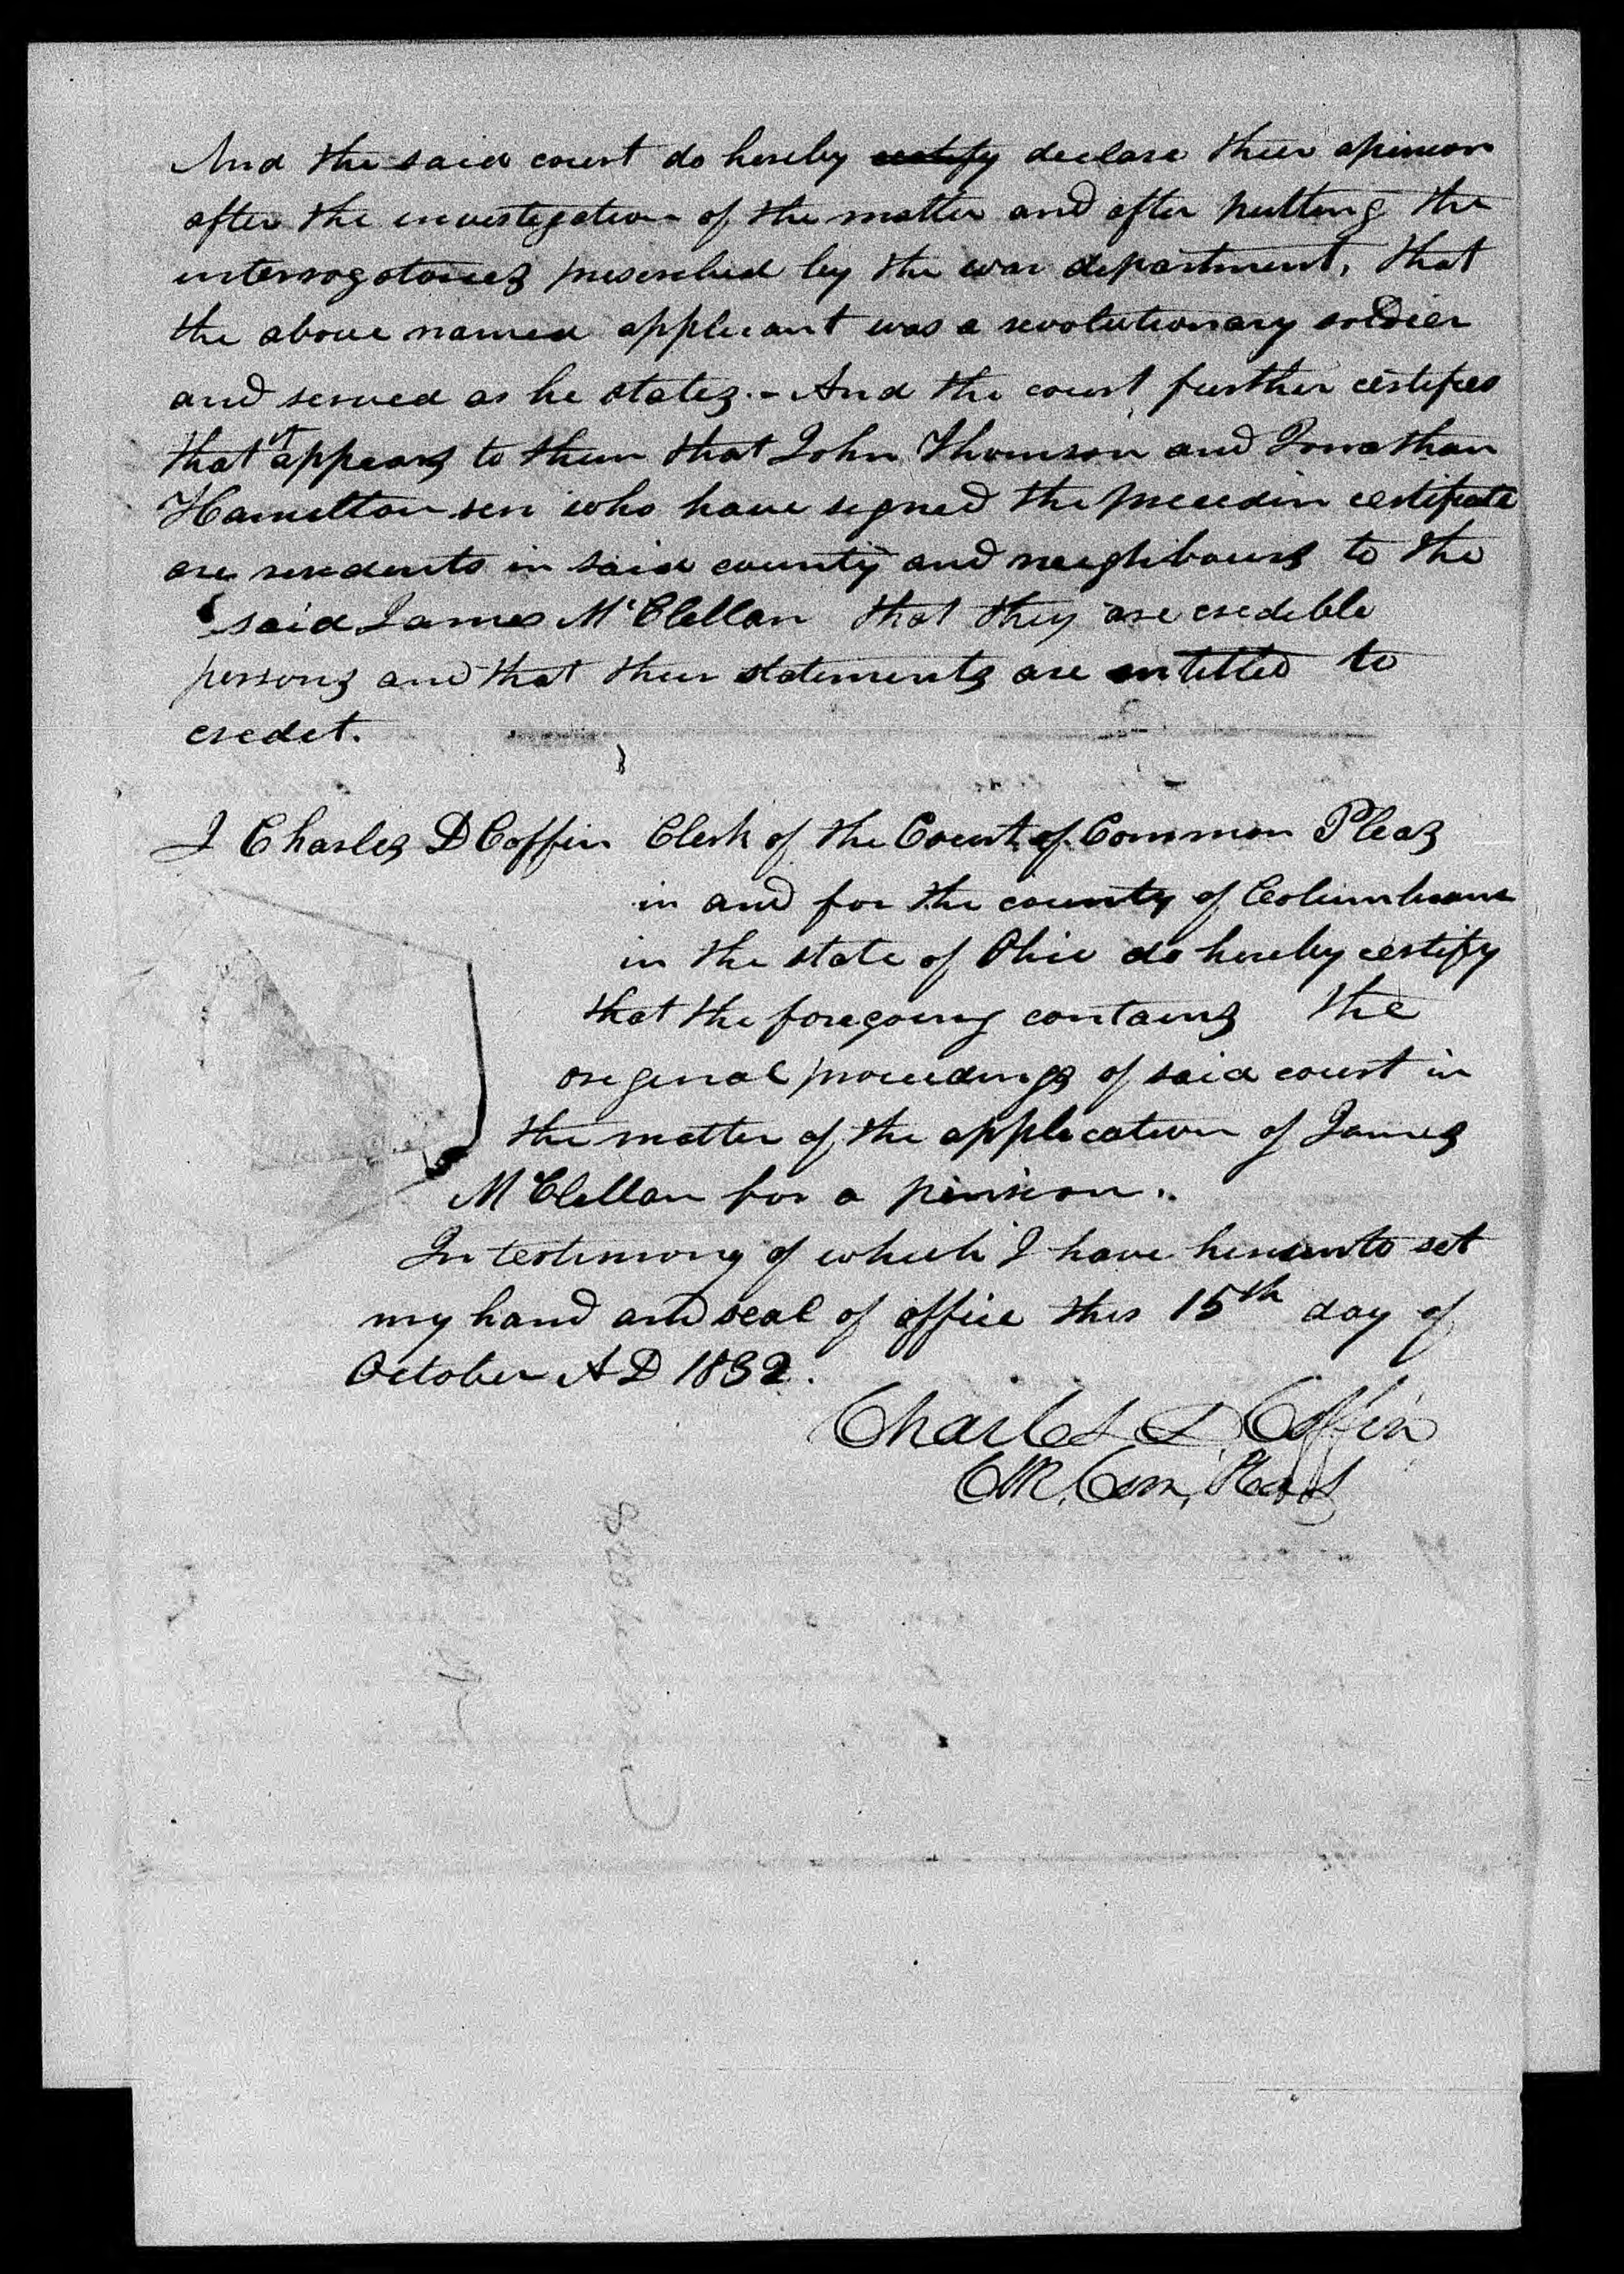And the said Court do hereby declare their opinion after the investigation of the matter and after putting the interrogatories prescribed by the war department, that the above named applicant was a revolutionary soldier and served as he states. And the court further certifies that it appears to them that John Thomson and Jonathan Hamilton who have signed the preceding certificate are residents in said county and neighbours to the said James McClellan; that they are credible
persons and that their statements are entitled to credit.

I Charles D Coffin Clerk of the Court of Common Pleas in and for the County of Columbiana in the State of Ohio do hereby certify that the foregoing contains the original proceedings of said court in
the matter of the application of James McClellan for a pension.

In testimony of which I have hereunto set my hand and seal of office this 15th day of October AD 1832.

Charles D Coffin
Clk, Com Pleas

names: Charles D Coffin; [BLANK] Thomson; John Thomson; Jonathan Hamilton; James Mc Clellan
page: 6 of 16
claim: survivor's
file: S. 2764, for James Mc Clellan, Pennsylvania